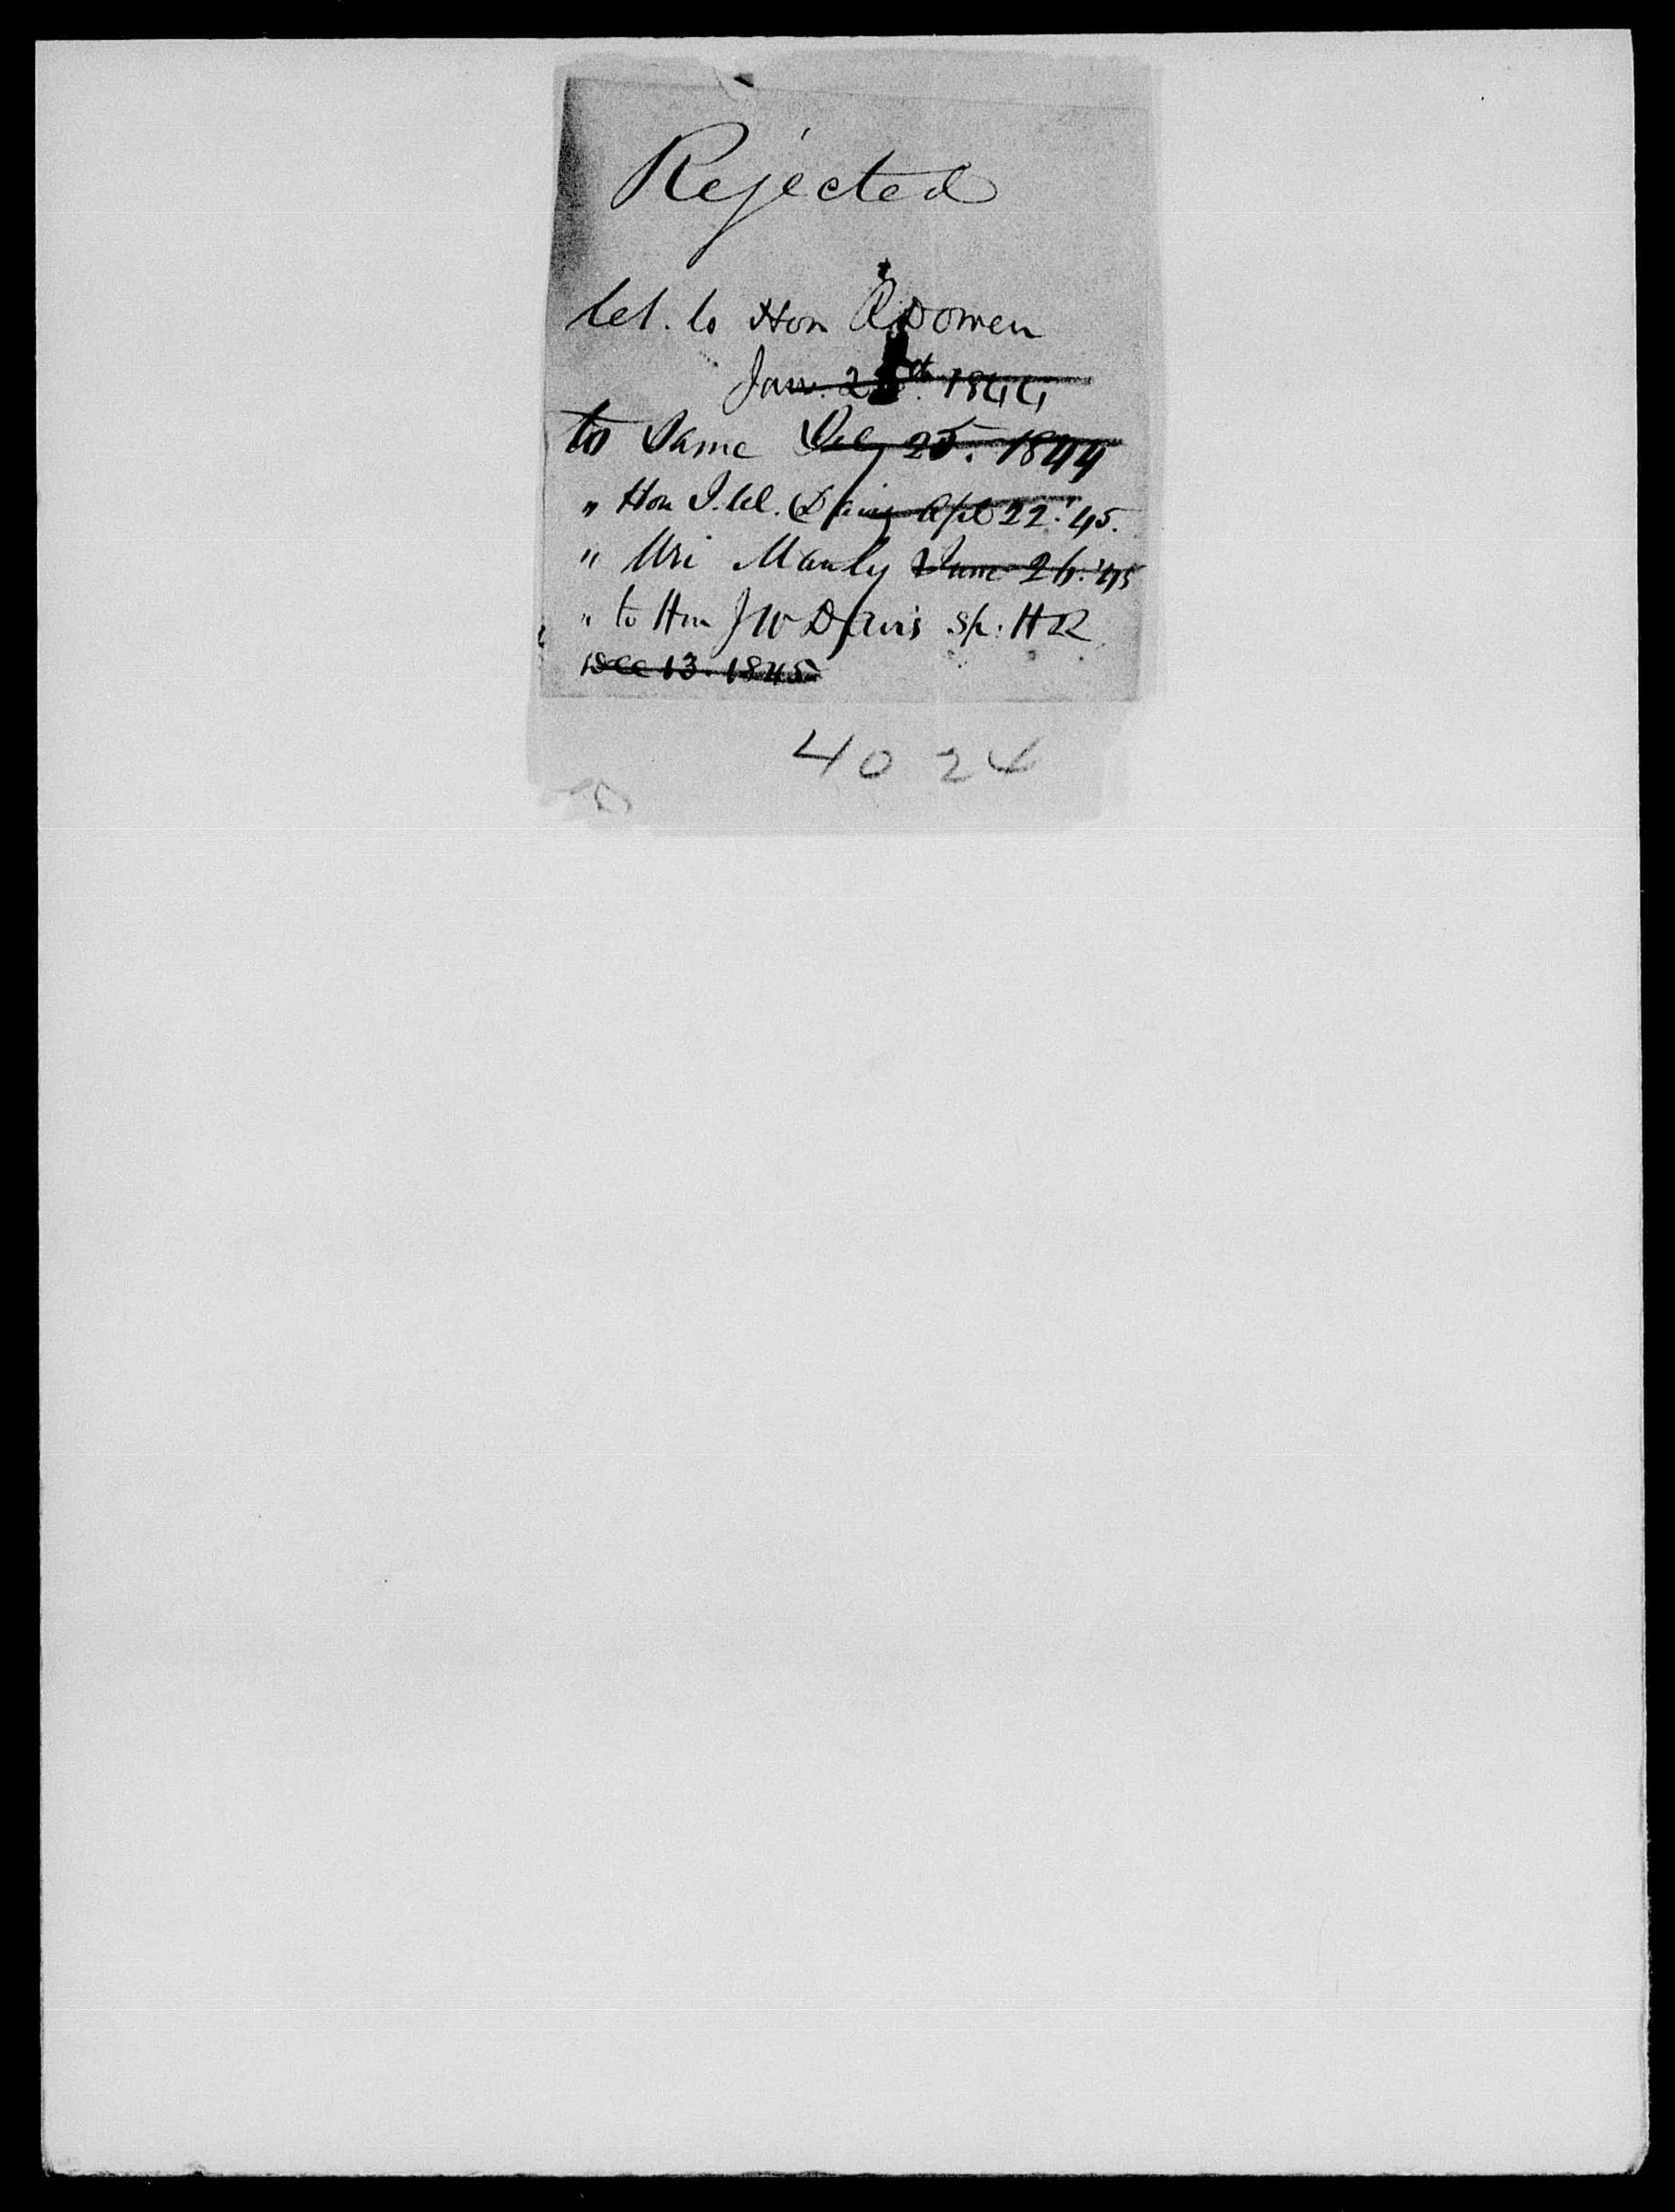Rejected 
let . to Hon R Domen Jan 25 1844  
to same July 25 1844
to Hon. J.W.  Davis  Apl 22 45
to Uri Manly  June 26 45
to Hon J W Davis sp  H 22 Dec 13 1845
4024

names: J W Davis, R Dowen, J W Davis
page: 20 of 44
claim: survivor's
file: S. 31,061, Thomas Gill, S.C.